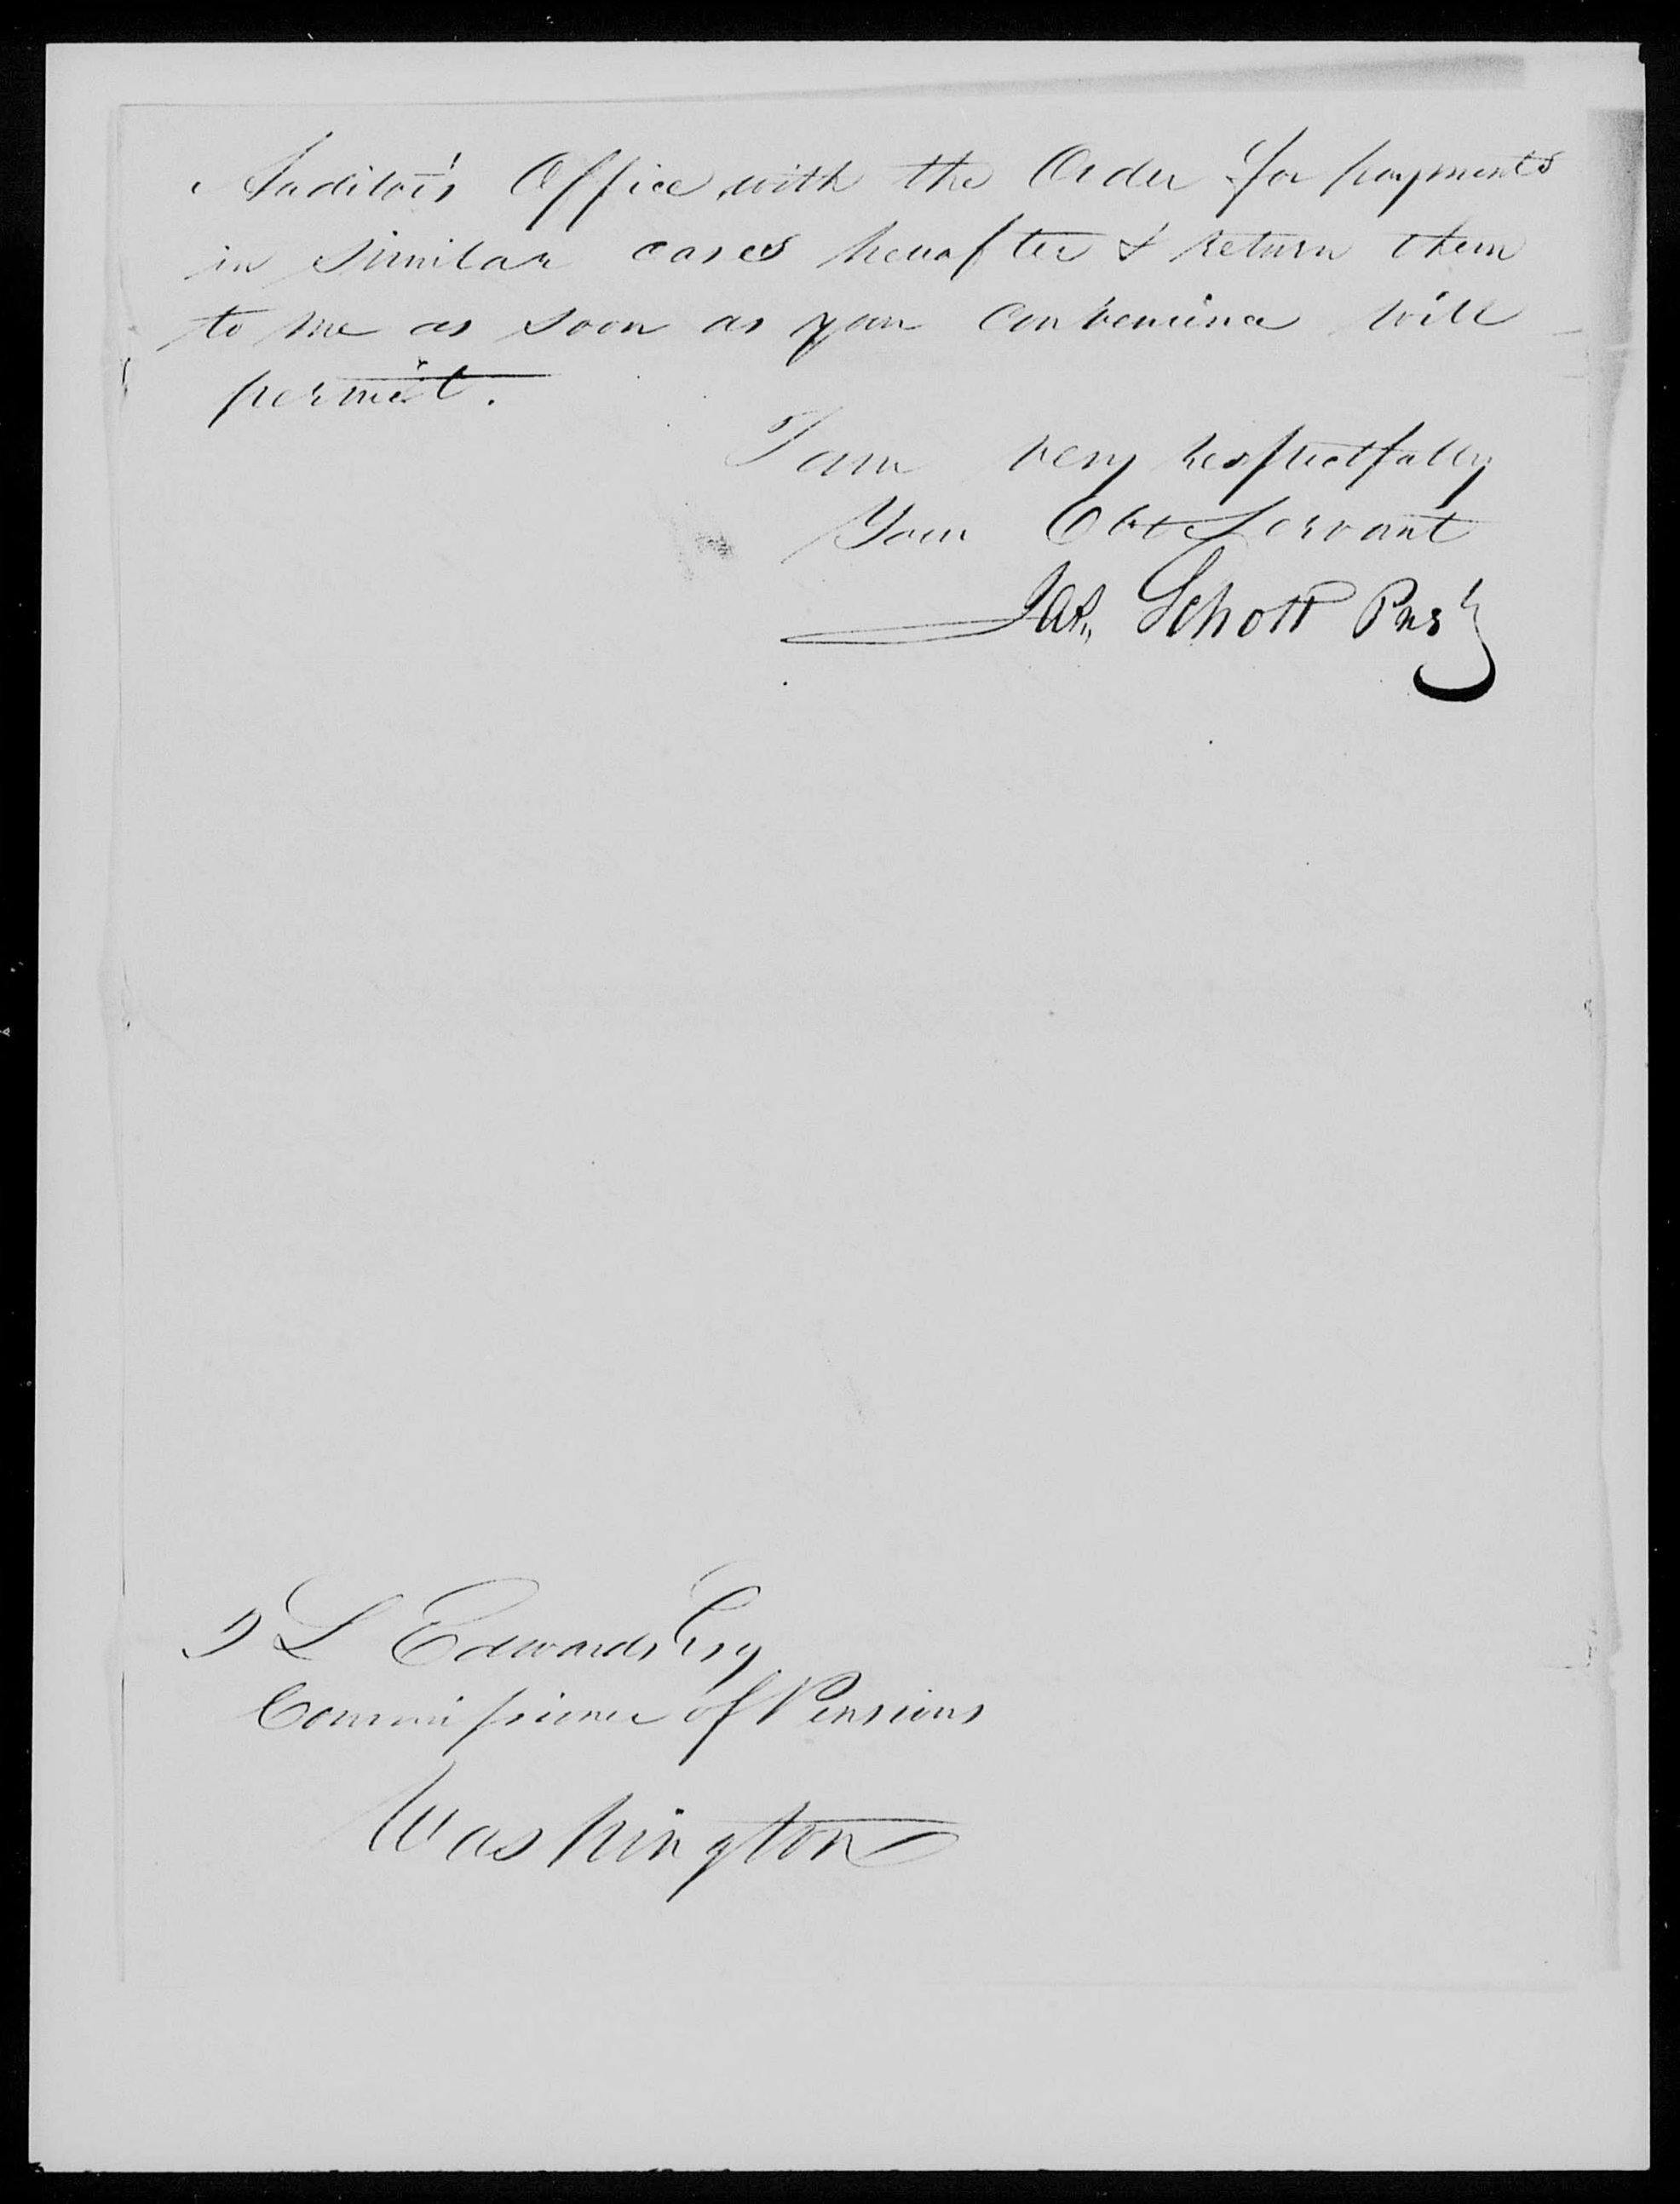Auditor's Office with the Order for payments
in similar cases hereafter & return them
to me as soon as your convenience will
permit.

I am very respectfully
Your Obt Servant
Jas Schott Park

JL Edwards Esq
Commissioner of Pensions
Washington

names: J L Edwards, Jas Schott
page: 23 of 29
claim: survivor's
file: S. 23618, Philip Emerick, Penn.